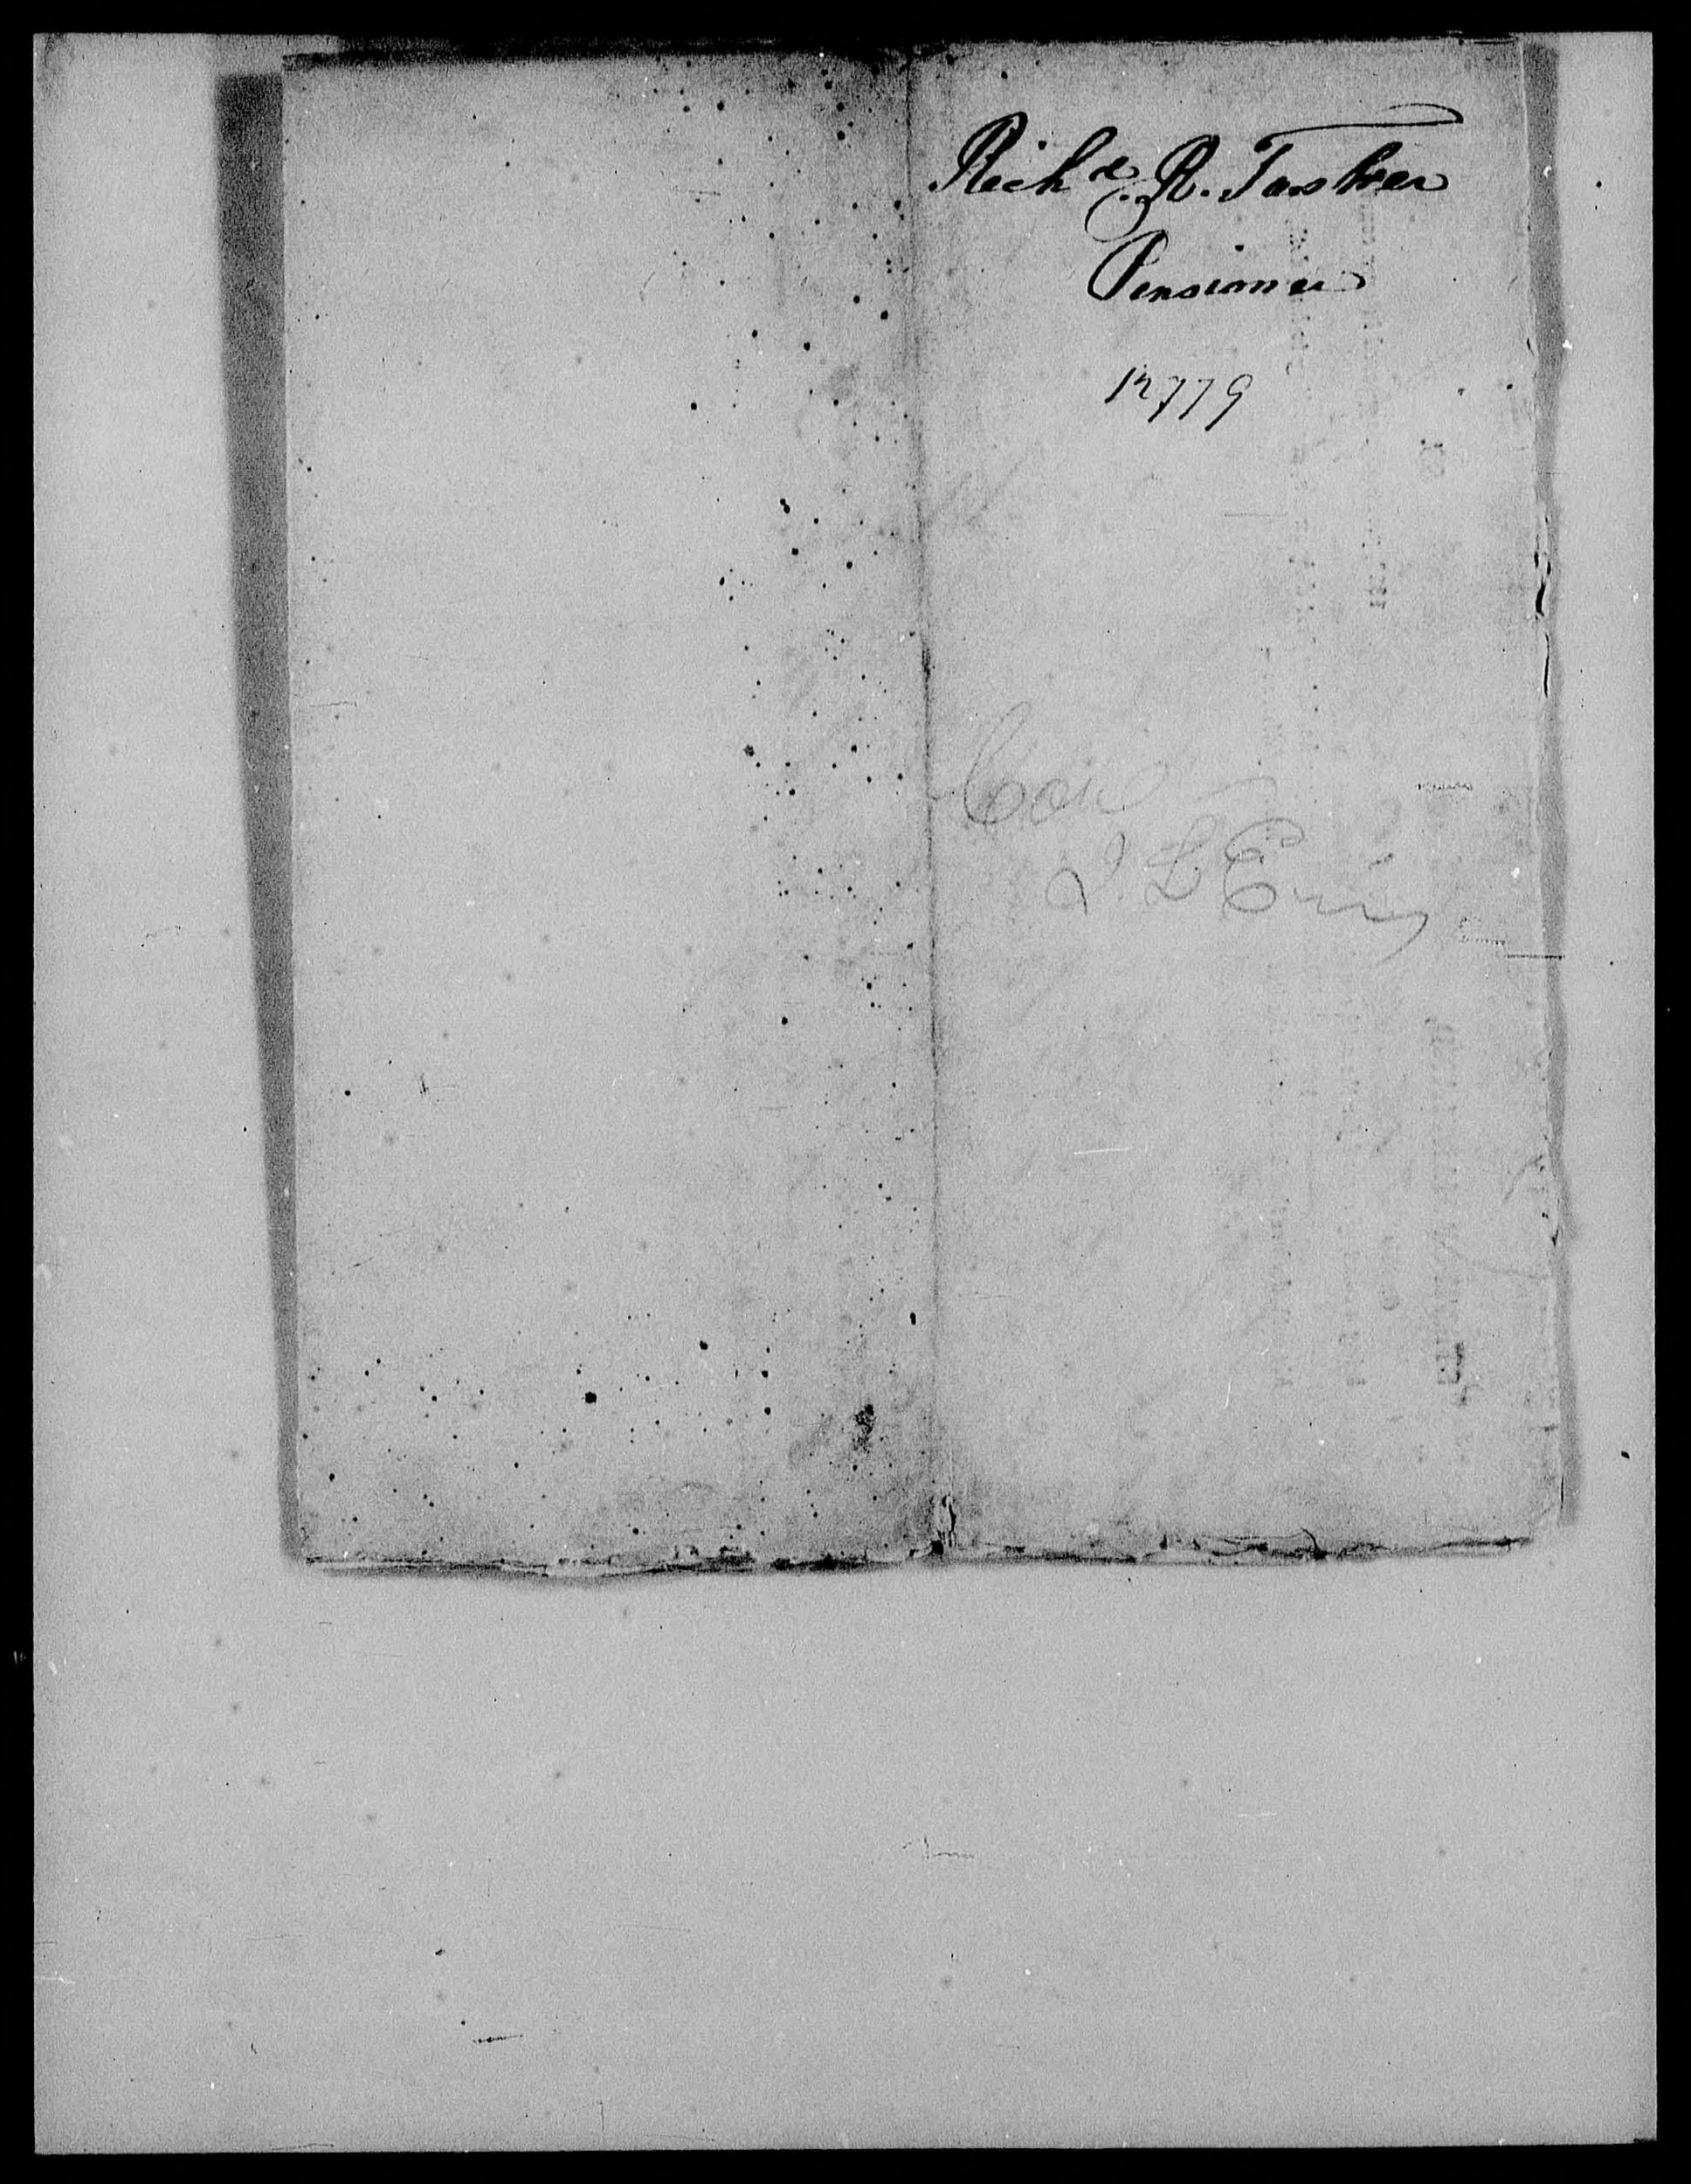Richd. R. Tasker
Pensioner
12779

(illegible name)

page: 8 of 25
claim: survivor's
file: S. 35093, for Richard R Tasker, Maryland